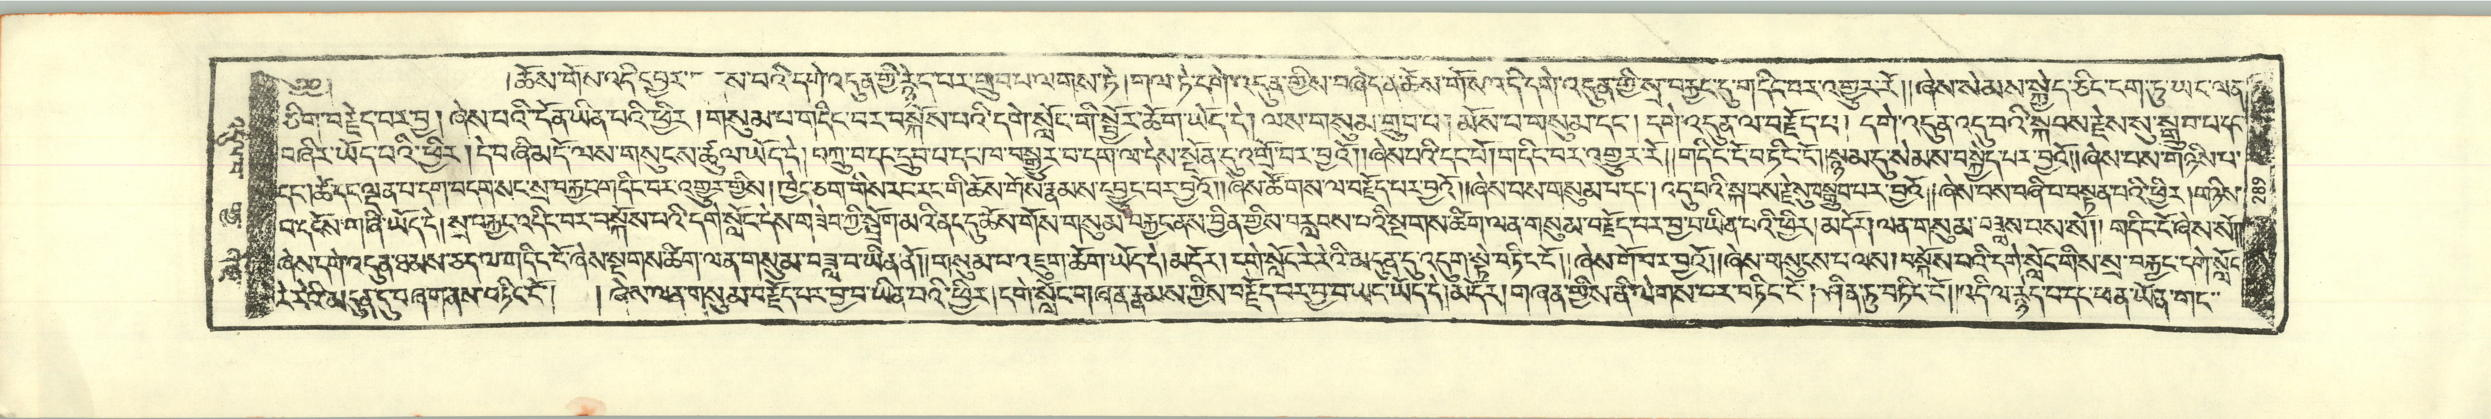༄༅། །ཆོས་གོས་འདི་དབྱར་གནས་པའི་དགེ་འདུན་གྱི་རྙེད་པར་གྲུབ་པ་ལགས་ཏེ། གལ་ཏེ་དགེ་འདུན་གྱིས་བཞེད་ན་ཆོས་གོས་འདི་དགེ་འདུན་གྱི་སྲ་བརྐྱང་དུ་གདིང་བར་འགྱུར་རོ། །ཞེས་སེམས་སྐྱེད་ཅིང་ངག་ཏུ་ཡང་ལན་
ཅིག་བརྗེད་བར་བྱ། ཞེས་པའི་དོན་ཡིན་པའི་ཕྱིར། གསུམ་པ་གདིང་བར་བསྐོས་པའི་དགེ་སློང་གི་སྦྱོར་ཆོག་ཡོད་དེ། ལས་གསུམ་གྲུབ་པ། མོས་པ་གསུམ་དང་། དགེ་འདུན་ལ་བརྗོད་པ། དགེ་འདུན་འདུ་བའི་སྐབས་རྗེས་སུ་སྒྲུབ་པ་དང་
བཞིར་ཡོད་པའི་ཕྱིར། དེ་བཞི་མདོ་ལས་གསུངས་ཚུལ་ཡོད་དེ། བཀྲུ་བ་དང་དྲུབ་བ་དང་ཁ་བསྒྱུར་བ་དག་ལ་དེས་སྔོན་དུ་འགྲོ་བར་བྱའོ། །ཞེས་པའི་དང་པོ། གདིང་བར་འགྱུར་རོ། །གདིང་ངོ་བཏིང་ངོ། །སྙམ་དུ་སེམས་བསྐྱེད་པར་བྱའོ། །ཞེས་པས་གཉིས་པ་
དང་། ཚེ་དང་ལྡན་པ་དག་བདག་སང་སྲ་བརྐྱང་གདིང་བར་འགྱུར་གྱིས། ཁྱེད་ཅག་གིས་རང་རང་གི་ཆོས་གོས་རྣམས་དབྱུང་བར་བྱའོ། །ཞེས་ཚོགས་ལ་བརྗོད་པར་བྱའོ། །ཞེས་བས་གསུམ་པ་དང་། འདུ་བའི་སྐབས་རྗེ་སུ་བསྒྲུབ་པར་བྱའོ། །ཞེས་པས་བཞི་པ་བསྟན་པའི་ཕྱིར། གཉིས་
བ་དངོས་གཞི་ཡོད་དེ། སྲ་བརྐྱང་འདིང་བར་བསྐོས་པའི་དགེ་སློང་དེས་གཟེབ་ཀྱི་སྦྲོག་མའི་ནང་དུ་ཆོས་གོས་གསུམ་བརྐྱང་ནས་བྱིན་གྱིས་བརླབས་པའི་སྔགས་ཚིག་ལན་གསུམ་བརྗོད་པར་བྱ་བ་ཡིན་པའི་ཕྱིར། མདོར། ལན་གསུམ་བཟླས་པས་སོ། །གདིང་ངོ་ཞེས་སོ།
ཞེས་དགེ་འདུན་ཐམས་ཅད་ལ་གདིང་ངོ་ཞེས་སྔགས་ཚིག་ལན་གསུམ་ཟླ་བ་ཡིན་ནོ། །གསུམ་པ་འཇུག་ཆོག་ཡོད་དེ། མདོར། དགེ་སློང་རེ་རེའི་མདུན་དུ་འདུག་སྟེ་བཏིང་ངོ། །ཞེས་གོ་བར་བྱའོ། །ཞེས་གསུངས་པ་ལས། བསྐོས་པའི་དགེ་སློང་གིས་སྲ་བརྐྱང་དགེ་སློང་
རེ་རེའི་མདུན་དུ་བཞག་ནས་བཏིང་ངོ། །ཞེས་ལན་གསུམ་བརྗོད་པར་བྱ་བ་ཡིན་པའི་ཕྱིར། དགེ་སློང་གཞན་རྣམས་ཀྱིས་བརྗོད་པར་བྱ་བ་ཡང་ཡོད་དེ། མདོར། གཞན་གྱིས་ནི་ལེགས་པར་བཏིང་ངོ། ཤིན་ཏུ་བཏིང་ངོ། །འདི་ལ་རྙེད་བ་དང་ཕན་ཡོན་གང་